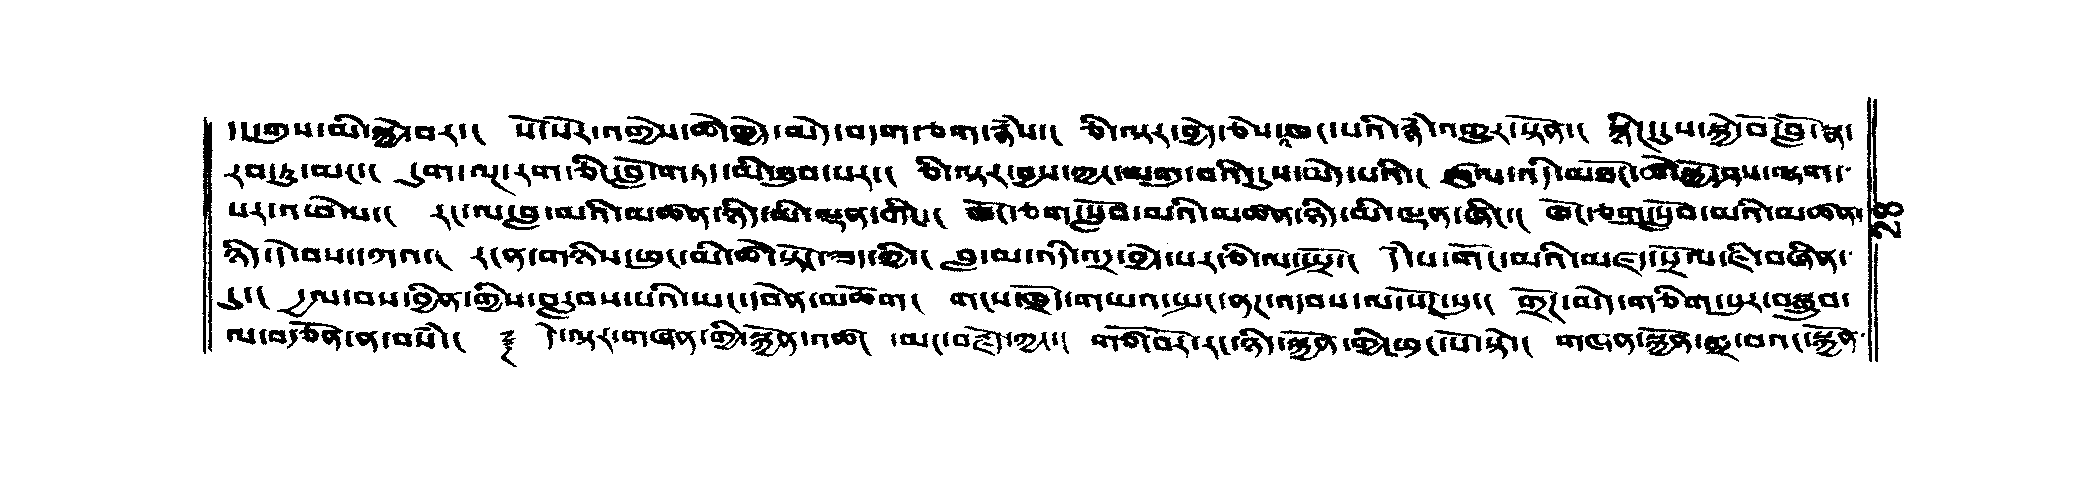དད་གུས་མི་སྐྱེ་བར། །སོ་སོར་འགྱེད་ཚེ་ཁྱོད་མེད་བདག་ཅག་རྣམས། །ཅི་ལྟར་བྱེད་ཅེས་འཕང་པའི་རྣམ་འགྱུར་སྟོན། །སྙིགས་དུས་སྐྱེ་བོ་བློ་སྣ་
རབ་ཏུ་མང་། །དུག་ལྔ་རག་ཅིང་བློ་གཏད་མི་ཐུབ་པར། །ཅི་ལྟར་བྱས་ཀྱང་མགུ་བའི་དུས་མེད་པའི། །ཚུལ་འདི་མཐོང་ཚེ་སྐྱོ་ཤས་ལྷག་
པར་འཕེལ། །རང་ལ་བླ་མའི་མཚན་ཉིད་མི་ལྡན་ཞིང་། །ཁོང་ཅག་སློབ་མའི་མཚན་ཉིད་མི་ལྡན་ཞིང་ ཁོང་ཅག་སློབ་མའི་མཚན་
ཉིད་དེ་བས་དཀའ། །རང་གཞན་གཉིས་ཕུང་མི་ཚེ་སྟོང་ཟད་ཀྱི། །བླ་མ་འདི་འདྲར་བྱེད་པ་ཅི་ལ་སྤྲོ། །དམ་པ་གོང་མའི་མཛད་སྲོལ་ཇི་བཞིན་
དུ། །རྒྱལ་བས་བྱིན་གྱིས་བརླབས་པའི་ཡང་དབེན་མཆོག །གངས་ཁྲོད་གཡའ་སྤང་ནགས་འདབས་ལ་སོགས་སུ། །གྲོགས་མེད་གཅིག་པུར་བསྒྲུབ་
ལ་བརྩོན་ན་བསམ། །དེ་ལྟར་གཞན་གྱི་སྐྱོན་འཚང་མང་བརྗོད་ཀྱང་། །གཙོ་བོ་རང་ཉིད་སྐྱོན་གྱི་ཕུང་པོ་སྟེ། །གཞན་སྐྱོན་སྨྲ་བའང་སྐྱོན་